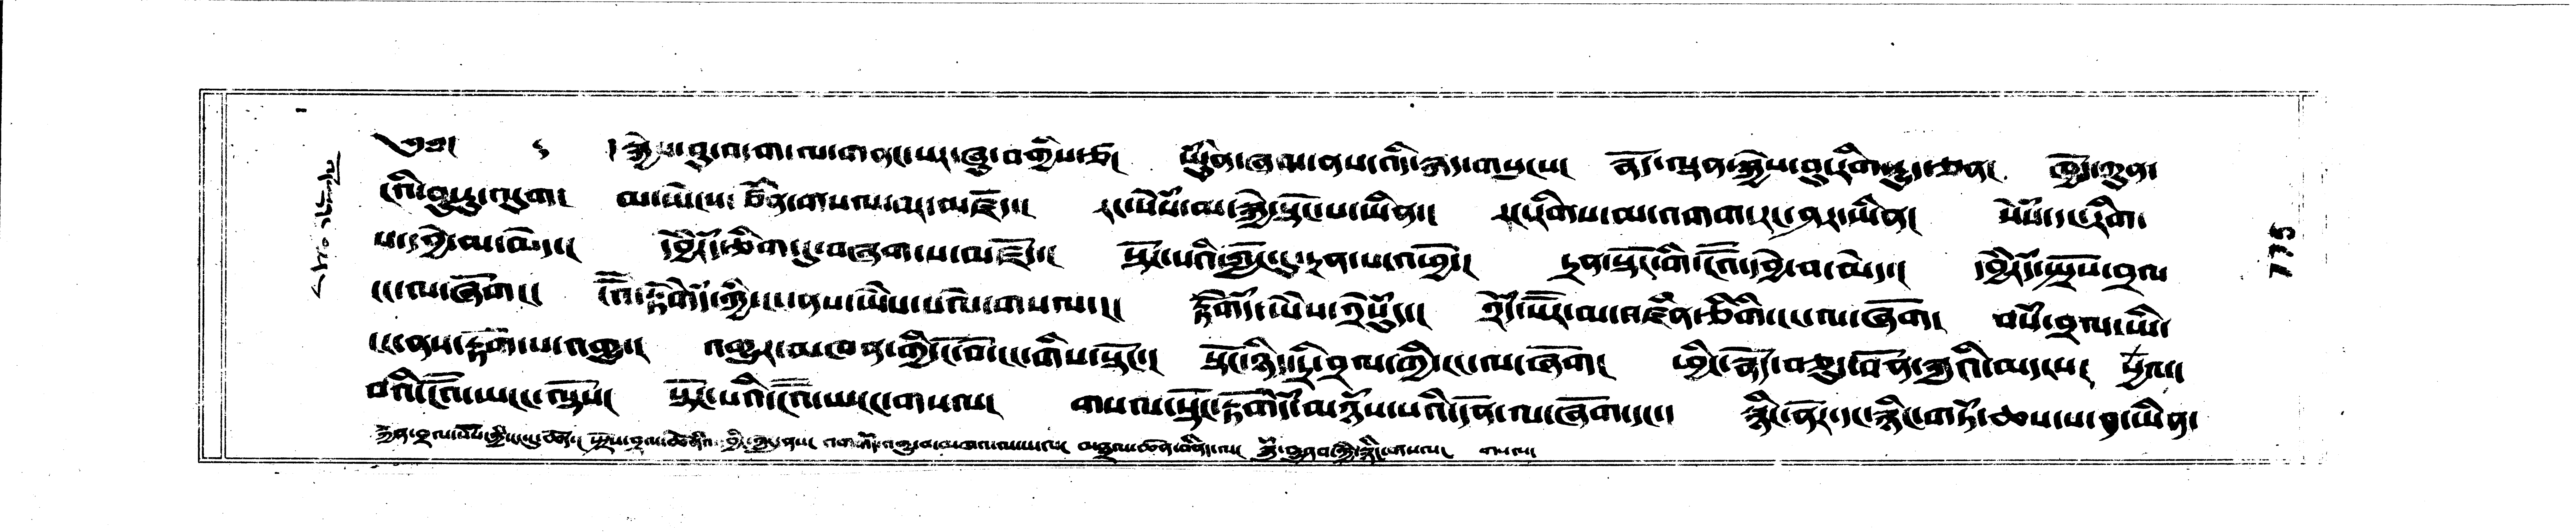སྐྱེས་བུ་བདག་ལ་གནང་བར་ཞུ་བགྱིས་ཙ། ཡུམ་ཆེན་ཞལ་ནས་འདི་སྐད་གསུངས། སྣོད་ལྡན་སྐྱེས་བུ་རིགས་རྒྱུད་ཅན། །ཁྱོད་ཀུན་
ངའི་བུ་རུ་འདུག །མ་ཡེངས་ཙེན་ནེ་གསལ་བར་མཛོད། །རང་སེམས་མ་སྐྱེས་སྟོང་པ་ཡིན། །རང་རིག་མ་འགག་རང་ཤར་ཡིན། །སེམས་དང་རིག་
པ་དབྱེ་བ་མེད་། །དབྱེར་མེད་གཅིག་ཏུ་བཞག་པར་མཛོད། །སྟོང་པའི་ཀློང་དུ་དྲན་པ་འཕྱོ། །དྲན་སྟོང་གི་ངོའོ་དབྱེ་བ་མེད། །དབྱེར་མེད་སྤྲོས་བྲལ་
ངང་ལ་ཞོག །ངོའོ་རྟོག་མེད་ཀྱི་ངང་ནས་ཡེ་ཤེས་སལེ་གསལ། རྟོག་མེད་ཡེ་ཤེས་གཉིས་སུ་མེད། གཉིས་མེད་སོ་སོར་མ་འཛིན་གཅིག་གི་ངང་ལ་ཞོག བསམ་བྲལ་ཡི་
ངང་ནས་རྟོག་པ་འགྱུ། འགྱུ་མཁན་གྱི་ངོའོ་ངང་གིས་སྟོང་། སྟོང་ཉིད་དྲི་བྲལ་གྱི་ངང་ལ་ཞོག ཕྱི་ནང་སྣོད་བཅུད་བོན་སྐུའི་མདངས། སྐྱོན་
བྲལ་སེམས་ཀྱི་ངང་དུ་ཆོད། སྤྲོས་བྲལ་ཆེན་པོའི་དབྱིངས་ཀློང་ནས། འགག་མེད་འགྱུ་བ་མཁའ་ལ་ཡལ། མཐའ་བྲལ་ཆེན་པོའི་བོན་ཉིད་ལ། སྐུ་གསུམ་ལྷུན་གྲུབ་ཀྱི་སྙིང་པོ་གསལ། གསལ་
བའི་ངོའོ་ཡང་ཡང་ལྟོས། སྟོང་པའི་ངོའོ་ཡང་ཡང་གསལ། གསལ་སྟོང་རྟོག་མེད་མཉམ་པའི་དོན་ལ་ཞོག་དང་། སྙིང་ནོར་དང་སྙིང་གཏམ་ཆས་པ་ཞིག་ཡིན་